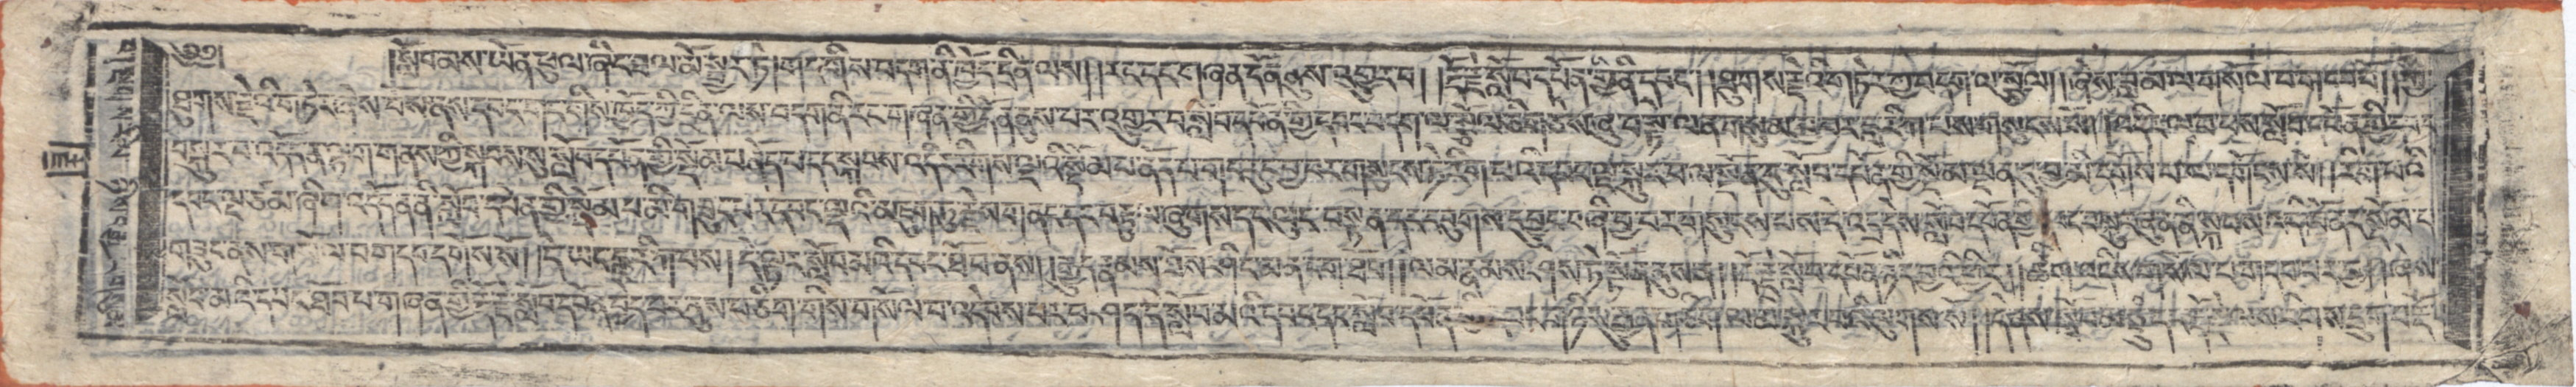༄༅། །སློབ་མས་ཡོན་ཕུལ་ཞིང་ཐལ་མོ་སྦྱར་ཏེ། གང་གིས་བདག་ནི་ཁྱོད་དྲིན་ལས། །རང་དང་གཞན་དོན་ནུས་འགྱུར་བ། །རྡོ་རྗེ་སློབ་དཔོན་གྱི་ནི་དབང་། །ཐུགས་རྗེའི་གཏེར་ཀྱ་བདག་ལ་སྩོལ། །ཞེས་བླ་མ་ལ་གསོལ་བ་གདབ་བོ། །ཀྱཻ་
ཐུགས་རྗེའི་གཏེར་ཞེས་པོས་ནས་དབང་གང་གིས་ཁྱོད་ཀྱི་དྲིན་ལས་བདག་ནི་རང་གཞན་གྱི་དོན་ནུས་པར་འགྱུར་བ་སློབ་དཔོན་གྱི་དབང་བདག་ལ་སྩོལ་ཅིག་ཅེས་ཞུ་བ་སྟེ་ལན་གསུམ་བྱ་བར་དཱ་རི་ཀ་པས་གསུངས་སོ། །འདིར་ལྭ་བ་པས་སློབ་དཔོན་གྱི་དབང་
བསྐུར་བ་འདོད་ན་ལྷག་གནས་ཀྱི་སྐབས་སུ་སློབ་དཔོན་གྱི་སྡོམ་པ་ནོད་པ་དང་སྐབས་འདིར་རིགས་ལྔའི་སྡོམ་པ་ནོད་པ་གང་རུང་བྱ་བར་གསུངས་ཏེ་རིག་པའི་དབང་ལྔ་སྐུར་བ་ལ་སྔོན་དུ་སློབ་དཔོན་གྱི་སྡོམ་ལྡན་དུ་བྱ་མི་དགོས་པ་ལ་དགོངས་སོ། །རིག་པའི་
དབང་ལྔ་ཙམ་ཞིག་འདོད་ན་ནི་སློབ་དཔོན་གྱི་སྡོམ་པ་མི་གཟུང་པར་དབང་ལྡའི་མཇུག་ཏུ་རྗེས་གནང་དང་བརྟུལ་ཞུགས་དང་ལུང་བསྟན་དང་དབུགས་དབྱུང་བཞི་བྱ་བར་གསུངས་པས་དེ་འདྲ་དེས་སློབ་དཔོན་གྱི་དབང་བསྐུར་ཞུ་ན་ནི་སྐབས་འདི་ཁོ་ནར་སྡོམ་པ་
གཟུང་ནས་གསོལ་བ་གདབ་དགོས་སོ། །དེ་ཡང་དཱ་རི་ཀ་པས། དེ་ལྟར་སློབ་མའི་དབང་ཐོབ་ནས། །རྒྱུད་རྣམས་ཐོས་ཤིང་མན་ངག་ཐོབ། །ལམ་རྣམས་ཤེས་ཏེ་སྟོན་ནུས་ན། །རྡོ་རྗེ་སློབ་དཔོན་ཉིད་བྱའི་ཕྱིར། །ཚིག་འདིས་གསོལ་བ་གདབ་པར་བྱ། །ཞེས་
སློབ་མའི་དབང་ཐོབ་པ་གཞན་གྱི་རྡོ་རྗེ་སློབ་དཔོན་བྱེད་པར་ནུས་པ་ཅིག་གིས་གསོལ་བ་འདེབས་པར་བཤད་དེ་སློབ་མའི་དབང་དང་སློབ་དཔོན་གྱི་དབང་གཉིས་རྒྱུན་གཅིག་ལ་མི་སྐུར་བའི་ལུགས་སོ། །དེ་ནས་སློབ་མ་ཧཱུཾ་དང་རྡོ་རྗེ་ལས་རིགས་དྲུག་པ་རྡོ་